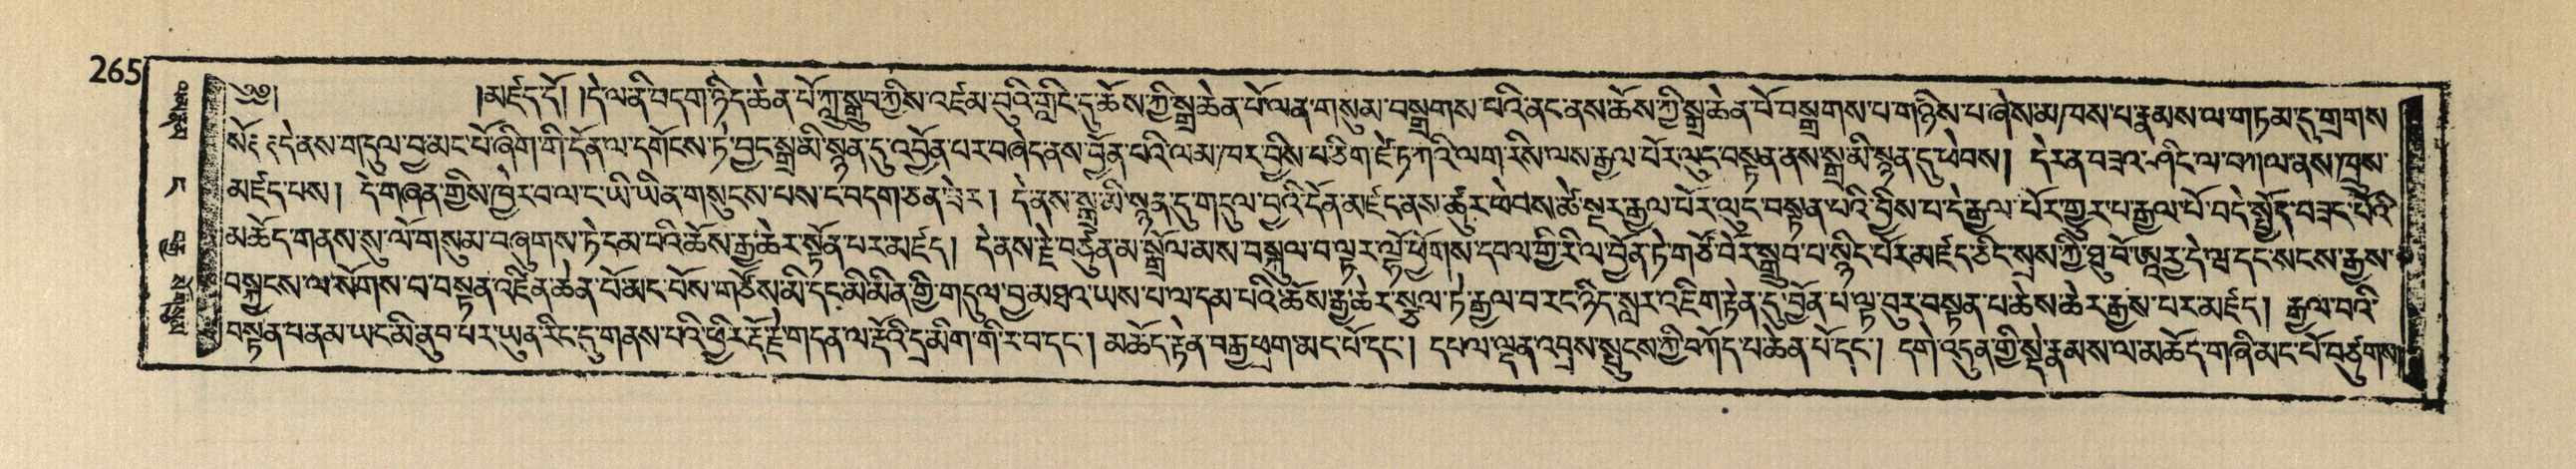༄༅། །མཛད་དོ། །དེ་ལ་ནི་བདག་ཉིད་ཆེན་པོ་ཀླུ་སྒྲུབ་ཀྱིས་འཛམ་བུའི་གླིང་དུ་ཆོས་ཀྱི་སྒྲ་ཆེན་པོ་ལན་གསུམ་བསྒྲགས་པའི་ནང་ནས་ཆོས་ཀྱི་སྒྲ་ཆེན་པོ་བསྒྲགས་པ་གཉིས་པ་ཞེས་མཁས་པ་རྣམས་ལ་གཏམ་དུ་གྲགས་
སོ༑ ༑དེ་ནས་གདུལ་བྱ་མང་པོ་ཞིག་གི་དོན་ལ་དགོངས་ཏེ་བྱང་སྒྲ་མི་སྙན་དུ་འབྱོན་པར་བཞེད་ནས་བྱོན་པའི་ལམ་ཁར་བྱིས་པ་ཅིག་ཛེ་ཏ་ཀའི་ལག་རིས་ལས་རྒྱལ་པོར་ལུང་བསྟན་ནས་སྒྲ་མི་སྙན་དུ་ཕེབས། དེར་ན་བཟའ་ཤིང་ལ་བཀལ་ནས་ཁྲུས་
མཛད་པས། དེ་གཞན་གྱིས་ཁྱེར་བ་ལ་ང་ཡི་ཡིན་གསུངས་པས་ང་བདག་ཅན་ཟེར། དེ་ནས་སྒྲ་མི་སྙན་དུ་གདུལ་བྱའི་དོན་མཛད་ནས་ཚུར་ཕེབས་ཚེ་སྔར་རྒྱལ་པོར་ལུང་བསྟན་པའི་བྱིས་པ་དེ་རྒྱལ་པོར་གྱུར་པ་རྒྱལ་པོ་བདེ་སྤྱོད་བཟང་པོའི་
མཆོད་གནས་སུ་ལོ་གསུམ་བཞུགས་ཏེ་དམ་པའི་ཆོས་རྒྱ་ཆེར་སྟོན་པར་མཛད། དེ་ནས་རྗེ་བཙུན་མ་སྒྲོལ་མས་བསྐུལ་བ་ལྟར་ལྷོ་ཕྱོགས་དཔལ་གྱི་རིལ་བྱོན་ཏེ་གཙོ་བོར་སྒྲུབ་པ་སྙིང་པོར་མཛད་ཅིང་སྲས་ཀྱི་ཐུ་བོ་ཨཱརྱ་དེ་ཝ་དང་སངས་རྒྱས་
བསྐྱངས་ལ་སོགས་པ་བསྟན་འཛིན་ཆེན་པོ་མང་པོས་གཙོས་མི་དང་མི་མིན་གྱི་གདུལ་བྱ་མཐའ་ཡས་པ་ལ་དམ་པའི་ཆོས་རྒྱ་ཆེར་སྩལ་ཏེ་རྒྱལ་བ་རང་ཉིད་སླར་འཇིག་རྟེན་དུ་བྱོན་པ་ལྟ་བུར་བསྟན་པ་ཆེས་ཆེར་རྒྱས་པར་མཛད། རྒྱལ་བའི་
བསྟན་པ་ནམ་ཡང་མི་ནུབ་པར་ཡུན་རིང་དུ་གནས་པའི་ཕྱིར་རྡོ་རྗེ་གདན་ལ་རྡོའི་དྲ་མིག་གི་ར་བ་དང་། མཆོད་རྟེན་བརྒྱ་ཕྲག་མང་པོ་དང་། དཔལ་ལྡན་འབྲས་སྤུངས་ཀྱི་བཀོད་པ་ཆེན་པོ་དང་། དགེ་འདུན་གྱི་སྡེ་རྣམས་ལ་མཆོད་གཞི་མང་པོ་བཙུགས།